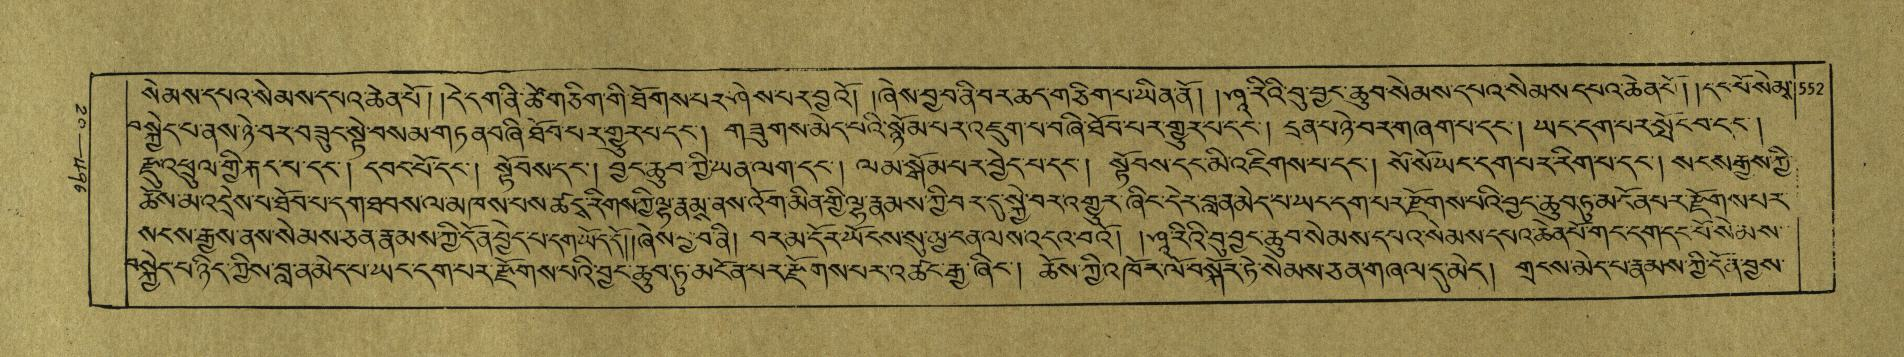སེམས་དཔའ་སེམས་དཔའ་ཆེན་པོ། །དེ་དག་ནི་ཚེ་གཅིག་གི་ཐོགས་པར་ཤེས་པར་བྱའོ། །ཞེས་བྱ་བ་ནི་བར་ཆད་གཅིག་པ་ཡིན་ནོ། །ཤཱ་རིའི་བུ་བྱང་ཆུབ་སེམས་དཔའ་སེམས་དཔའ་ཆེན་པོ། །དང་པོ་སེམས་
བསྐྱེད་པ་ནས་ཉེ་བར་བཟུང་སྟེ་བསམ་གཏན་བཞི་ཐོབ་པར་གྱུར་པ་དང་། གཟུགས་མེད་པའི་སྙོམ་པར་འཇུག་པ་བཞི་ཐོབ་པར་གྱུར་པ་དང་། དྲན་པ་ཉེ་བར་གཞག་པ་དང་། ཡང་དག་པར་སྤོང་བ་དང་།
རྫུ་འཕྲུལ་གྱི་རྐང་པ་དང་། དབང་པོ་དང་། སྟོབས་དང་། བྱང་ཆུབ་ཀྱི་ཡན་ལག་དང་། ལམ་སྒོམ་པར་བྱེད་པ་དང་། སྟོབས་དང་མི་འཇིགས་པ་དང་། སོ་སོ་ཡང་དག་པར་རིག་པ་དང་། སངས་རྒྱས་ཀྱི་
ཆོས་མ་འདྲེས་པ་ཐོབ་པ་དག་ཐབས་ལ་མཁས་པས་ཚངས་རིགས་ཀྱི་ལྷ་རྣམས་ནས་འོག་མིན་གྱི་ལྷ་རྣམས་ཀྱི་བར་དུ་སྐྱེ་བར་འགྱུར་ཞིང་དེར་བླ་ན་མེད་པ་ཡང་དག་པར་རྫོགས་པའི་བྱང་ཆུབ་ཏུ་མངོན་པར་རྫོགས་པར་
སངས་རྒྱས་ནས་སེམས་ཅན་རྣམས་ཀྱི་དོན་བྱེད་པ་དག་ཡོད་དོ། །ཞེས་བྱ་བ་ནི། བར་མ་དོར་ཡོངས་སུ་མྱ་ངན་ལས་འདའ་བའོ། །ཤཱ་རིའི་བུ་བྱང་ཆུབ་སེམས་དཔའ་སེམས་དཔའ་ཆེན་པོ་གང་དག་དང་པོ་སེམས་
བསྐྱེད་པ་ཉིད་ཀྱིས་བླ་ན་མེད་པ་ཡང་དག་པར་རྫོགས་པའི་བྱང་ཆུབ་ཏུ་མངོན་པར་རྫོགས་པར་འཚང་རྒྱ་ཞིང་། ཆོས་ཀྱི་འཁོར་ལོ་བསྐོར་ཏེ་སེམས་ཅན་གཞལ་དུ་མེད། གྲངས་མེད་པ་རྣམས་ཀྱི་དོན་བྱས་